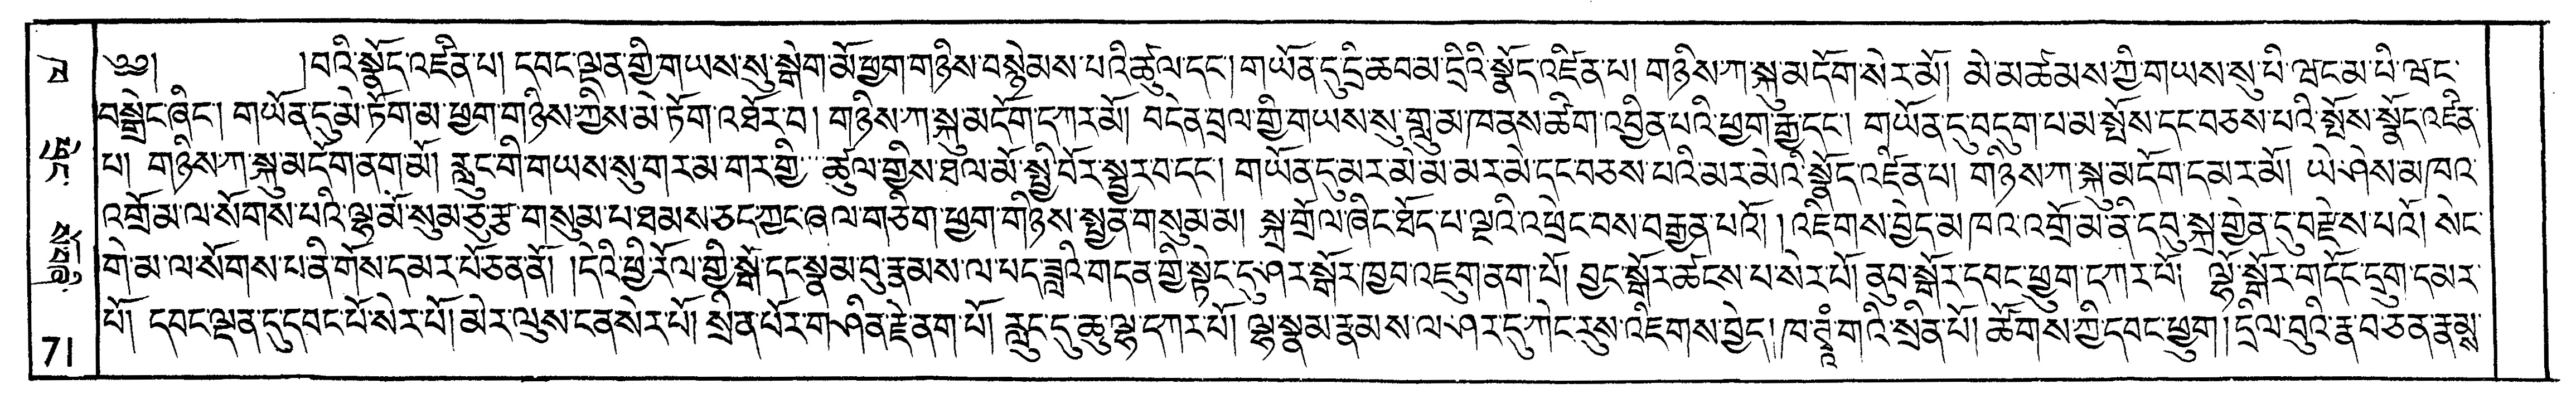༄༅། །བའི་སྣོད་འཛིན་པ། དབང་ལྡན་གྱི་གཡས་སུ་སྒེག་མོ་ཕྱག་གཉིས་བསྙེམས་པའི་ཚུལ་དང་། གཡོན་དུ་དྲི་ཆབ་མ་དྲིའི་སྣོད་འཛིན་པ། གཉིས་ཀ་སྐུ་མདོག་སེར་མོ། མེ་མཚམས་ཀྱི་གཡས་སུ་པི་ཝང་མ་པི་ཝང་
བསྒྲེང་ཞིང་། གཡོན་དུ་མེ་ཏོག་མ་ཕྱག་གཉིས་ཀྱིས་མེ་ཏོག་འཐོར་བ། གཉིས་ཀ་སྐུ་མདོག་དཀར་མོ། བདེན་བྲལ་གྱི་གཡས་སུ་གླུ་མ་ཁ་ནས་ཚིག་འབྱིན་པའི་ཕྱག་རྒྱ་དང་། གཡོན་དུ་བདུག་པ་མ་སྤོས་དང་བཅས་པའི་སྤོས་སྣོད་འཛིན་
པ། གཉིས་ཀ་སྐུ་མདོག་ནག་མོ། རླུང་གི་གཡས་སུ་གར་མ་གར་གྱི་ཚུལ་གྱིས་ཐལ་མོ་སྤྱི་བོར་སྦྱར་བ་དང་། གཡོན་དུ་མར་མེ་མ་མར་མེ་དང་བཅས་པའི་མར་མེའི་སྣོད་འཛིན་པ། གཉིས་ཀ་སྐུ་མདོག་དམར་མོ། ཡེ་ཤེས་མཁའ་
འགྲོ་མ་ལ་སོགས་པའི་ལྷ་མོ་སུམ་ཅུ་རྩ་གསུམ་པ་ཐམས་ཅད་ཀྱང་ཞལ་གཅིག་ཕྱག་གཉིས་སྤྱན་གསུམ་མ། སྐྲ་གྲོལ་ཞིང་ཐོད་པ་ལྔའི་འཕྲེང་བས་བརྒྱན་པའོ། །འཇིགས་བྱེད་མཁའ་འགྲོ་མ་ནི་དབུ་སྐྲ་གྱེན་དུ་བརྫེས་པའོ། སེང་
གེ་མ་ལ་སོགས་པ་ནི་གོས་དམར་པོ་ཅན་ནོ། །དེའི་ཕྱི་རོལ་གྱི་སྒོ་དང་སྣམ་བུ་རྣམས་ལ་པད་ཟླའི་གདན་གྱི་སྟེང་དུ་ཤར་སྒོར་ཁྱབ་འཇུག་ནག་པོ། བྱང་སྒོར་ཚངས་པ་སེར་པོ། ནུབ་སྒོར་དབང་ཕྱུག་དཀར་པོ། ལྷོ་སྒོར་གདོང་དྲུག་དམར་
པོ། དབང་ལྡན་དུ་དབང་པོ་སེར་པོ། མེར་ལུས་ངན་སེར་པོ། སྲིན་པོར་གཤིན་རྗེ་ནག་པོ། རླུང་དུ་ཆུ་ལྷ་དཀར་པོ། ལྷ་སྣམ་རྣམས་ལ་ཤར་དུ་ཀེང་རུས་འཇིགས་བྱེད། ཁ་ཊྭཱཾ་གའི་སྲིན་པོ། ཚོགས་ཀྱི་དབང་ཕྱུག །དྲིལ་བུའི་རྣ་བ་ཅན་རྣམས་